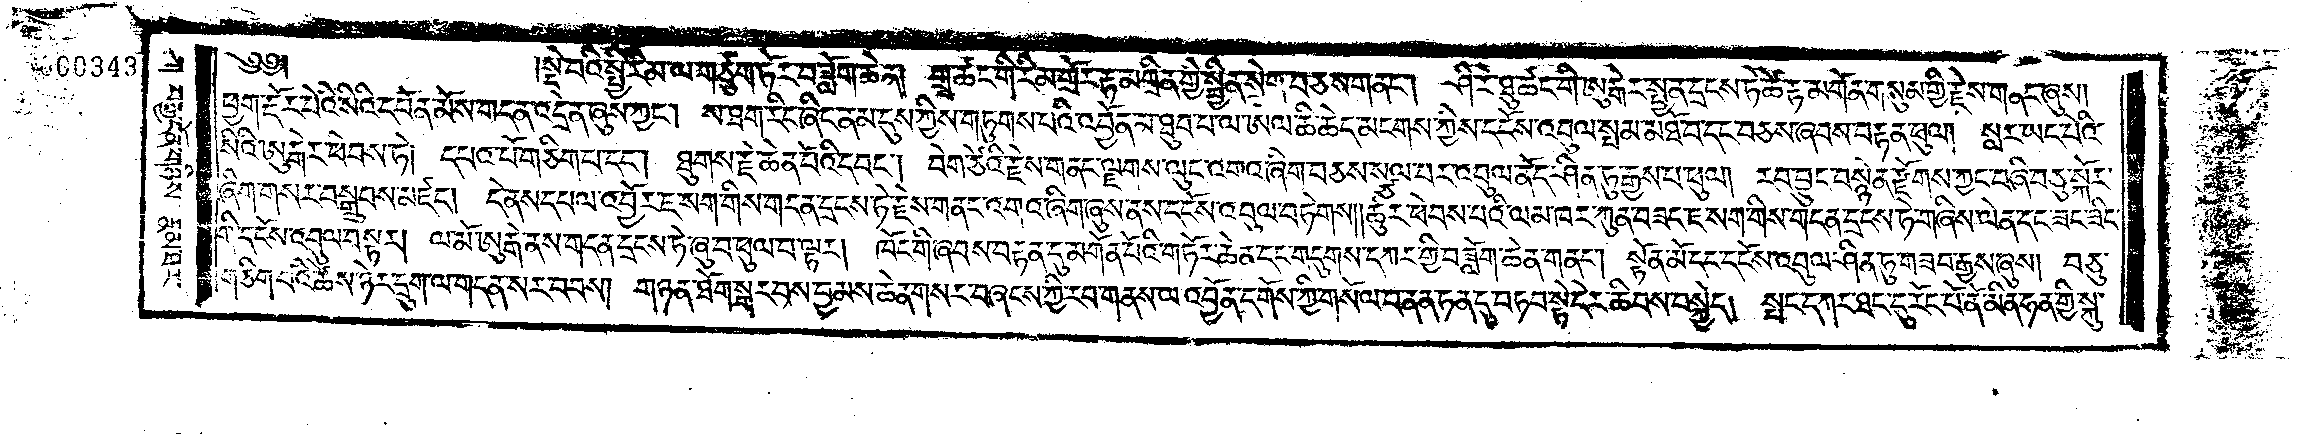༄༅། །སྔེ་བའི་སྤྱི་རིམ་ལ་གཙུག་ཏོར་བཟློག་ཆེན། གྲྭ་ཚང་གི་རིམ་གྲོར་རྟ་མགྲིན་གྱི་སྦྱིན་སྲེག་བཅས་གནང་། ཤི་རེ་ཐུ་ཚང་གི་ཨུརྒེར་སྤྱན་དྲངས་ཏེ་ཚེ་རྟ་མགོན་གསུམ་གྱི་རྗེས་གནང་ཞུས།
ཕྱག་རྡོར་པེའི་སིའི་དཔོན་མོས་གདན་འདྲེན་ཞུས་ཀྱང་། ས་ཐག་རིང་ཞིང་ནམ་དུས་ཀྱིས་གཏུགས་པའི་འབྱོན་མ་ཐུབ་པ་ལ་ཨེལ་ཆི་ཆེད་མངགས་ཀྱིས་དངོས་འབུལ་སྤམ་མཐོ་བ་དང་བཅས་ཞབས་བརྟན་ཕུལ། སླར་ཡང་པེའི་
སིའི་ཨུརྒེར་ཕེབས་ཏེ། དཔའ་པོ་གཅིག་པ་དང་། ཐུགས་རྗེ་ཆེན་པོའི་དབང་། བེག་ཙེའི་རྗེས་གནང་ལྗགས་ལུང་འགའ་ཞིག་བཅས་སྩལ་པར་འབུལ་ནོད་ཤིན་ཏུ་རྒྱས་པ་ཕུལ། རབ་བྱུང་བསྙེན་རྫོགས་ཀྱང་བཞི་བཅུ་སྐོར་
ཞིག་གསར་བསྒྲུབས་མཛད། དེ་ནས་དཔལ་འབྱོར་ཇ་སག་གིས་གདན་དྲངས་ཏེ་རྗེས་གནང་འགའ་ཞིག་ཞུས་ནས་དངོས་འབུལ་བཏེགས། །ཚུར་ཕེབས་པའི་ལམ་ཁར་ཀུན་བཟང་ཇ་སག་གིས་གདན་དྲངས་ཏེ་གཞིས་ལེན་དང་ཟང་ཟིང་
གི་དངོས་འབུལ་བསྟར། ལ་མོ་ཨུརྒེ་ནས་གདན་དྲངས་ཏེ་ཞུ་བ་ཕུལ་བ་ལྟར། ཁོང་གི་ཞབས་བརྟན་དུ་མགོན་པོའི་གཏོར་ཆེན་དང་གདུགས་དཀར་གྱི་བཟློག་ཆེན་གནང་། སྟོན་མོ་དང་དངོས་འབུལ་ཤིན་ཏུ་གཟབ་རྒྱས་ཞུས། བཅུ་
གཅིག་པའི་ཚེས་ཉེར་དྲུག་ལ་གདན་སར་བབས། གཉན་ཐོག་སྒར་བས་བྱམས་ཆེན་གསར་བཞངས་ཀྱི་རབ་གནས་ལ་འབྱོན་དགོས་ཀྱི་གསོལ་བ་ནན་ཏན་དུ་བཏབ་སྟེ་དེར་ཆིབས་བསྐྱེད། སྤང་དཀར་ཐང་དུ་རོང་པོ་ནོ་མིན་ཧན་གྱི་སྐུ་